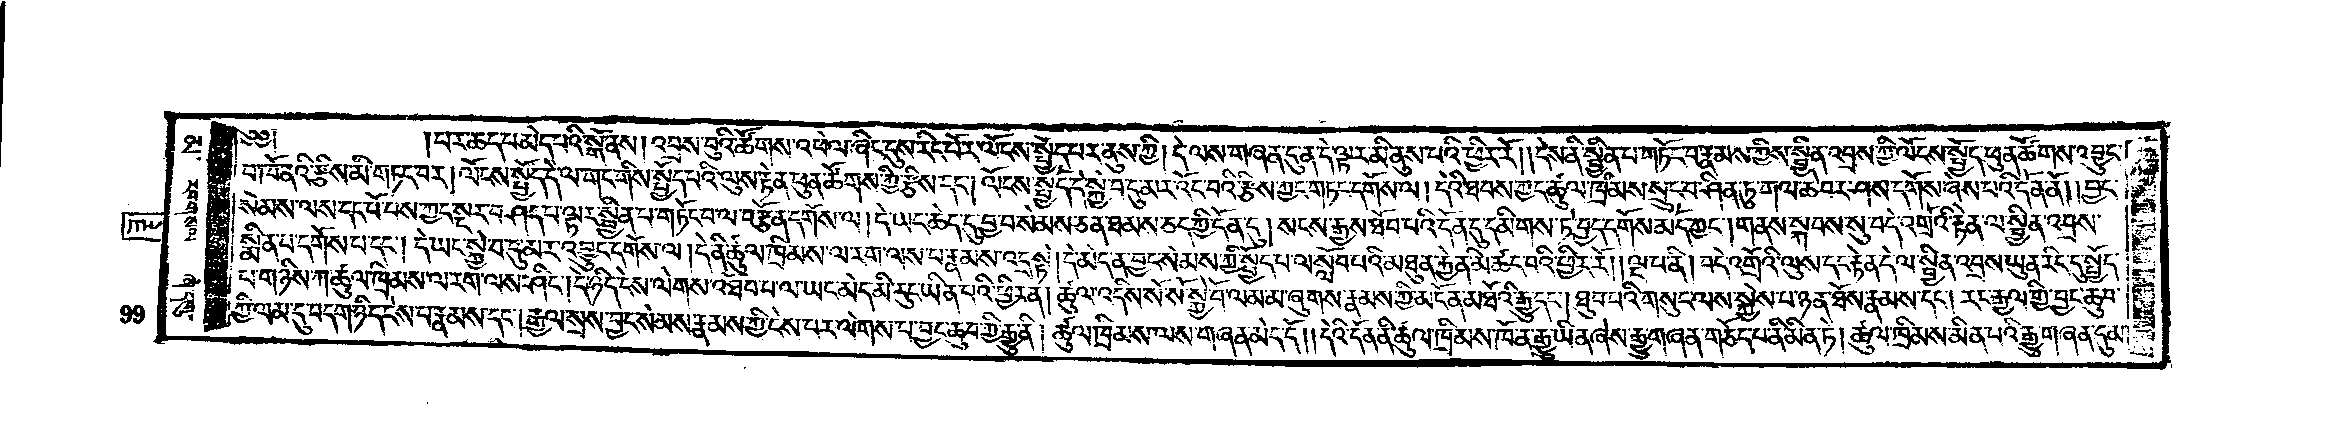༄༅། །པར་ཆད་པ་མེད་པའི་སྒོ་ནས། འབྲས་བུའི་ཚོགས་འཕེལ་ཞིང་དུས་རིང་པོར་ལོངས་སྤྱོད་པར་ནུས་ཀྱི། དེ་ལས་གཞན་དུ་ན་དེ་ལྟར་མི་ནུས་པའི་ཕྱིར་རོ། །དེས་ནི་སྦྱིན་པ་གཏོང་བ་རྣམས་ཀྱིས་སྦྱིན་འབྲས་ཀྱི་ལོངས་སྤྱོད་ཕུན་ཚོགས་འབྱུང་
བ་ཁོ་ནའི་རྩིས་མི་གཏང་བར། ལོངས་སྤྱོད་དེ་ལ་གང་གིས་སྤྱོད་པའི་ལུས་རྟེན་ཕུན་ཚོགས་ཀྱི་རྩིས་དང་། ལོངས་སྤྱོད་དེ་སྐྱེ་བ་དུ་མར་འོང་བའི་རྩིས་ཀྱང་གཏང་དགོས་ལ། དེའི་ཐབས་ཀྱང་ཚུལ་ཁྲིམས་སྲུང་བ་ཤིན་ཏུ་གལ་ཆེ་བར་ཤས་དགོས་ཞེས་པའི་དོན་ནོ། །བྱང་
སེམས་ལས་དང་པོ་པས་ཀྱང་སྔར་བཤད་པ་ལྟར་སྦྱིན་པ་གཏོང་བ་ལ་བརྩོན་དགོས་ལ། དེ་ཡང་ཆེད་དུ་བྱ་བ་སེམས་ཅན་ཐམས་ཅད་ཀྱི་དོན་དུ། སངས་རྒྱས་ཐོབ་པའི་དོན་དུ་དམིགས་ཏེ་བྱད་དགོས་མོད་ཀྱང་། གནས་སྐབས་སུ་བདེ་འགྲོའི་རྟེན་ལ་སྦྱིན་འབྲས་
སྨིན་པ་དགོས་པ་དང་། དེ་ཡང་སྐྱེ་བ་དུ་མར་འབྱུང་དགོས་ལ། དེ་ནི་ཚུལ་ཁྲིམས་ལ་རག་ལས་པ་རྣམས་འདྲ་སྟེ། དེ་མེད་ན་བྱང་སེམས་ཀྱི་སྤྱོད་པ་ལ་སློབ་པའི་མཐུན་རྐྱེན་མི་ཚང་བའི་ཕྱིར་རོ། །ལྔ་པ་ནི། བདེ་འགྲོའི་ལུས་དང་རྟེན་དེ་ལ་སྦྱིན་འབྲས་ཡུན་རིང་དུ་སྤྱོད་
པ་གཉིས་ཀ་ཚུལ་ཁྲིམས་ལ་རག་ལས་ཤིང་། དེ་ཉིད་ངེས་ལེགས་འཐོབ་པ་ལ་ཡང་མེད་མི་རུང་ཡིན་པའི་ཕྱིར་ན། ཚུལ་འདིས་སོ་སོ་སྐྱེ་བོ་ལམ་མ་ཞུགས་རྣམས་ཀྱི་མངོན་མཐོའི་རྒྱུ་དང་། ཐུབ་པའི་གསུང་ལས་སྐྱེས་པ་ཉན་ཐོས་རྣམས་དང་། རང་རྒྱལ་གྱི་བྱང་ཆུབ་
ཀྱི་ལམ་དུ་བདག་ཉིད་ངེས་པ་རྣམས་དང་། རྒྱལ་སྲས་བྱང་སེམས་རྣམས་ཀྱི་ངེས་པར་ལེགས་པ་བྱང་ཆུབ་ཀྱི་རྒྱུ་ནི། ཚུལ་ཁྲིམས་ལས་གཞན་མེད་དོ། །དེའི་དོན་ནི་ཚུལ་ཁྲིམས་ཁོ་ན་རྒྱུ་ཡིན་ཞེས་རྒྱུ་གཞན་གཅོད་པ་ནི་མིན་ཏེ། ཚུལ་ཁྲིམས་མིན་པའི་རྒྱུ་གཞན་དུ་མ་